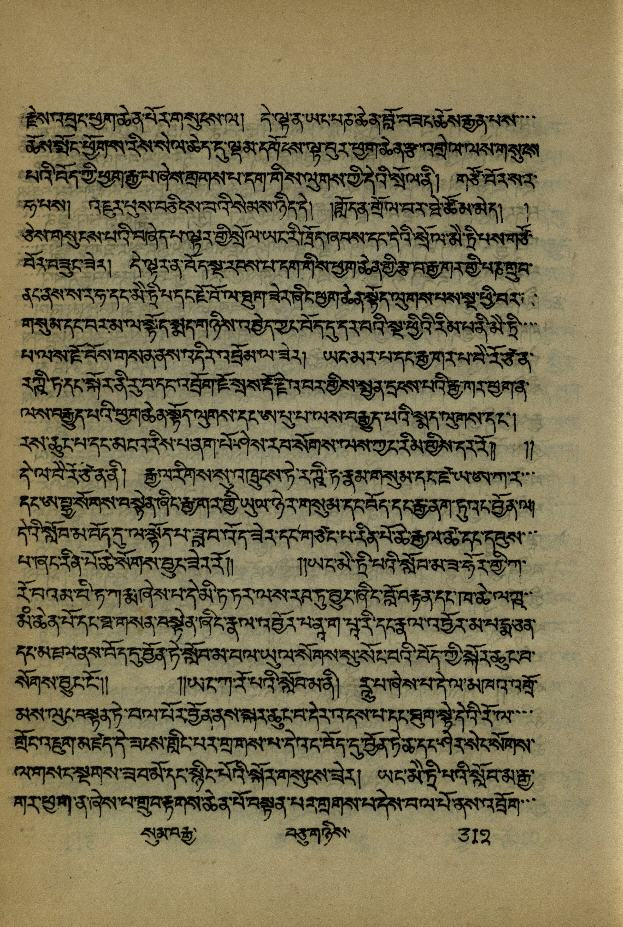རྗེས་འབྲང་ཕྱག་ཆེན་པོར་གསུངས་ལ། དེ་ལྟ་ན་ཡང་པཎ་ཆེན་བློ་བཟང་ཆོས་རྒྱན་པས་
ཆོས་སྤོང་ཕྱོགས་རིས་སེལ་ཆེད་དུ་ལྡམ་དགོངས་ལྟ་བུར་ཕྱག་ཆེན་རྩ་འགྲེལ་ལས་གསུངས་
པའི་བོད་ཀྱི་ཕྱག་རྒྱ་པ་ཞེས་གྲགས་པ་དག་གིས་ལུགས་ཀྱི་དེའི་སྲོལ་ནི། གཙོ་བོར་ས་ར་
ཧ་པས། འཇུར་པུས་བཅིངས་བའི་སེམས་ཉིད་དེ། །གློད་ན་གྲོལ་བར་ཐེ་ཚོམ་མེད། །
ཅེས་གསུངས་པའི་བཞེད་པ་ལྟར་གྱི་སྲོལ་ཡང་རི་ཁྲོད་ཞབས་དང་དེའི་སྲོལ་མཻ་ཏྲི་པས་གཙོ་
བོར་བཟུང་ཟེར། དེ་ལྟར་ན་བོད་སྔ་རབས་པ་དག་གིས་ཕྱག་ཆེན་གྱི་རྩ་བ་རྒྱ་གར་གྱི་པཎ་གྲུབ་
ནང་ནས་ས་ར་ཧ་དང་མཻ་ཏྲི་པ་དང་ཇོ་བོ་ལ་ཐུག་ཟེར་ཞིང་ཕྱག་ཆེན་སྟོད་ལུགས་པས་སྔ་ཕྱི་བར་
གསུམ་དང་བར་མ་ལ་སྟོད་སྨད་གཉིས་འབྱེད་ཀྱང་བོད་དུ་དར་བའི་སྔ་ཕྱིའི་རིམ་པ་ནི་མཻ་ཏྲི་
པ་ལས་ཇོ་བོས་གསན་ནས་འདིར་འབྲོམ་ལ་ཟེར། ཡང་མར་པ་དང་རྒྱ་གར་པ་བཻ་རོ་ཙ་ན་
རཀྵི་ཏ་དང་སྐོར་ནི་རུ་བ་དང་འབྲོག་ཇོ་སྲས་རྡོ་རྗེ་འབར་གྱིས་སྤྱན་དྲངས་པའི་རྒྱ་གར་ཕྱག་ན་
ལས་བརྒྱུད་པའི་ཕྱག་ཆེན་སྟོད་ལུགས་དང་ཨ་པུ་པ་ལས་བརྒྱུད་པའི་སྨད་ལུགས་དང་།
རས་ཆུང་པ་དང་མངའ་རིས་པ་ནག་པོ་ཤེས་རབ་སོགས་ལས་ཀྱང་རིམ་གྱིས་དར་རོ།། །།
དེ་ལ་བཻ་རོ་ཙ་ན་ནི། རྒྱལ་རིགས་སུ་འཁྲུངས་ཏེ་རཀྵི་ཏ་རྣམ་གསུམ་དང་ཛ་ཡ་ཨ་ཀ་ར་
དང་ཨ་བྷྱ་སོགས་བསྟེན་ཞིང་རྒྱ་གར་གྱི་ཡུལ་ཉེར་གསུམ་དང་བོད་དང་རྒྱ་ནག་ཏུའང་བྱོན་ལ།
དེའི་སློབ་མ་བོད་དུ་ལ་སྟོད་པ་བཟླ་བ་འོད་ཟེར་དང་གཙང་པ་རིན་པོ་ཆེ་རྒྱལ་ཚ་དང་དབུས་
པ་ཞང་རིན་པོ་ཆེ་སོགས་བྱུང་ཟེར་རོ།། །།ཡང་མཻ་ཏྲི་པའི་སློབ་མ་ཟ་ཧོར་གྱི་ཀ་
རོ་བའམ་བི་ཏ་ཀརྨ་ཞེས་པ་དེ་མི་ཏ་ཏར་ལས་རབ་ཏུ་བྱུང་ཞིང་བློ་བརྟན་དང་ཁ་ཆེ་ལཀྵ་
མཾ་ཆེན་པོ་དང་ཐ་གསན་བསྟེན་ཞིང་རྣལ་འབྱོར་པ་ནཱ་ག་པཱ་རི་དང་རྣལ་འབྱོར་མ་པདམ་ཅན་
དང་མཇལ་ནས་བོད་དུ་བྱོན་ཏེ་སློབ་མ་བལ་ཡུལ་སོགས་སུ་སོང་བའི་བོད་ཀྱི་སྐོར་ཆུང་བ་
སོགས་བྱུང་ངོ།། །།ཡང་ཀ་རོ་པའི་སློབ་མ་ནི། རཱུ་པ་ཞེས་པ་དེ་ལ་མཁའ་འགྲོ་
མས་ལུང་བསྟན་ཏེ་བལ་པོར་བྱོན་ནས་སྐར་ཆུང་བ་དེར་འདས་པ་དང་ཐུག་སྟེ་དེའི་རོ་ལ་
གྲོང་འཇུག་མཛད་དེ་ཟངས་གླིང་པར་གྲགས་པ་དེའང་བོད་དུ་བྱོན་ཏེ་ཆ་དང་ཤེར་སེང་སོགས་
ལ་གསང་སྔགས་ཟབ་མོ་དང་སྙིང་པོའི་སྐོར་གསུངས་ཟེར། ཡང་མཻ་ཏྲི་པའི་སློབ་མ་རྒྱ་
གར་ཕྱག་ན་ཞེས་པ་གྲུབ་རྟགས་ཆེན་པོ་བསྟན་པར་གྲགས་པ་དེས་བལ་པོ་ནས་འབྲོག་